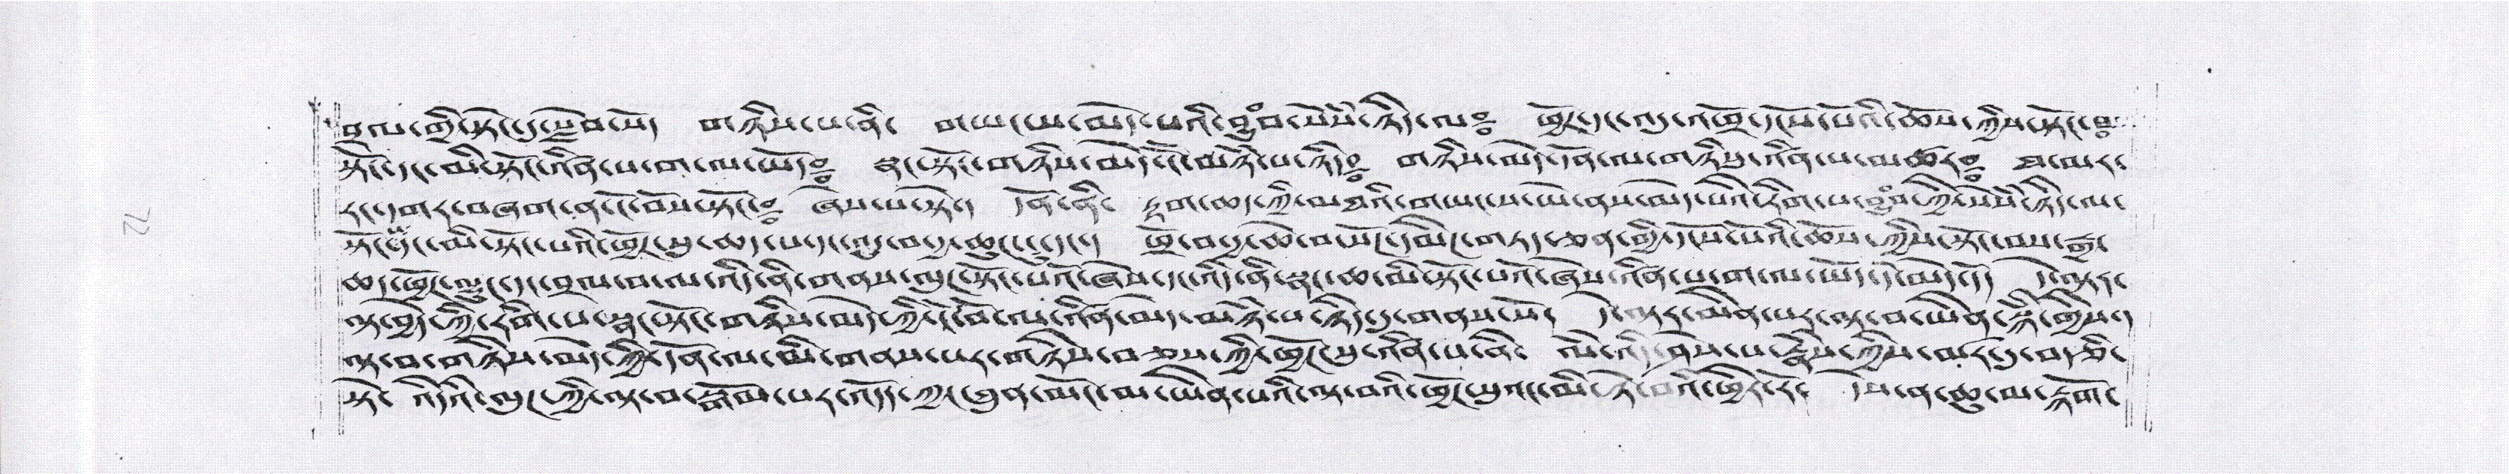བྲལ་གྱི་སྟེང་དུ་སླེབས་སོ། གཉིས་པ་ནི། གཡང་ས་མེད་པའི་བྱང་ཆུབ་སེམས་ཉིད་ལཿ ཕྱོགས་དང་འདུ་འཕྲོ་དངོས་པོའི་ཆོས་ཀྱིས་སྟོངཿ 
སྟོང་དང་མི་སྟོང་འཛིན་པ་ག་ལ་ཡོདཿ སྣང་སྟོང་གཉིས་མེད་ངོ་བོ་མཉམ་པ་ཉིདཿ གཉིས་མེད་དོན་ལ་གཉིས་སུ་འཛིན་པ་མཚརཿ ཐ་མར་
རང་དགར་བཞག་ན་ངོ་བོས་སྟོངཿ ཞེས་པ་སྟེ། དོན་ནི། རྟག་ཆད་ཀྱི་མཐའ་ཡི་གཡང་ས་ཡེ་ནས་མེད་པའི་རིག་པ་བྱང་ཆུབ་ཀྱི་སེམས་ཉིད་ལ་
སྟོང་དང་མི་སྟོང་པའི་ཕྱོགས་སུ་ཆད་པ་དང་འདུ་བ་རྒྱ་ཆུང་ངུ་དང་། སྤྲོ་བ་རྒྱ་ཆེ་བ་སོགས་དམིགས་གཏད་ཅན་གྱི་དངོས་པོའི་ཆོས་ཀྱིས་སྟོང་པས་རྒྱ་
ཆད་ཕྱོགས་ལྷུང་དང་བྲལ་བ་ལ་འདི་ནི་གནས་ལུགས་སྟོང་པའོ་ཞེས་དང་། འདི་ནི་སྣང་ཆ་མི་སྟོང་པའོ་ཞེས་འཛིན་པ་ག་ལ་ཡོད་དེ་མེད་དོ། དེ་ལྟར་
ལྟ་བྱེད་ཀྱི་རིག་པ་སྣང་སྟོང་གཉིས་མེད་ཀྱི་ངོ་བོ་ལ་འཛིན་མེད་མཉམ་པ་ཉིད་དུ་གནས་སོ། དེ་ལྟར་མིན་པར་ལྟ་བ་ཡིན་སྙམ་གྱིས་
ལྟ་བ་གཉིས་མེད་ཀྱི་དོན་ལ་མི་གནས་པར་གཉིས་བཅས་ཀྱི་ཕྱོགས་སུ་འཛིན་པ་ནི། ལམ་འདི་ཤེས་པ་རྣམས་ཀྱིས་མཚར་དུ་བརྩི་
སྟེ། འདིའི་ལུགས་ཀྱི་ལྟ་བ་སྒོམ་པར་འདོད་ཀྱང་ཐུན་མོང་མ་ཡིན་པར་ཐུན་མོང་མ་ཡིན་པའི་ལྟ་བའི་ཕྱོགས་སུའང་མི་ཉེ་བའི་ཕྱིར་རོ། དེས་ན་ཆུ་མ་རྙོག་